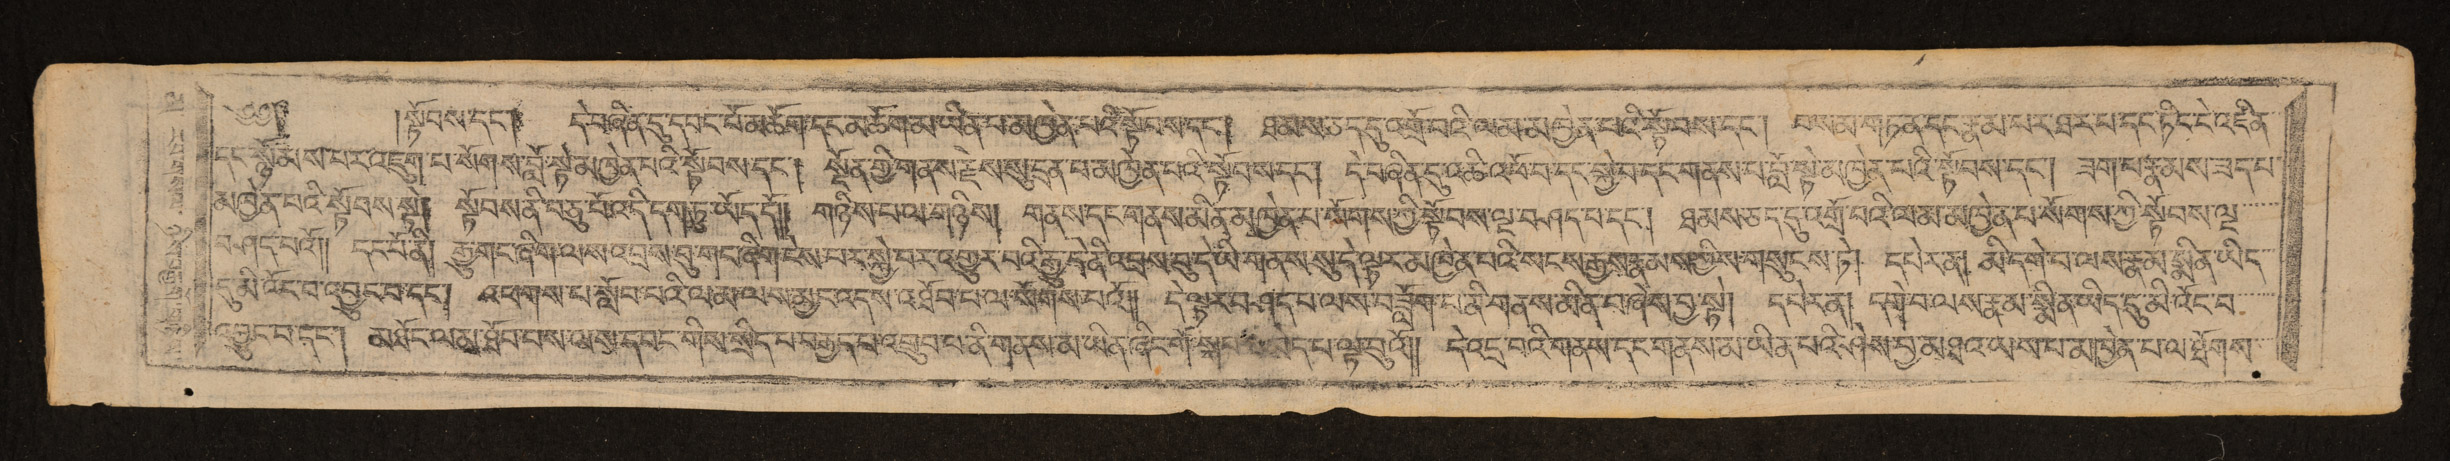༄༅། །སྟོབས་དང་། དེ་བཞིན་དུ་དབང་པོ་མཆོག་དང་མཆོག་མ་ཡིན་པ་མཁྱེན་པའི་སྟོབས་དང་། ཐམས་ཅད་དུ་འགྲོ་བའི་ལམ་མཁྱེན་པའི་སྟོབས་དང་། བསམ་གཏན་དང་རྣམ་པར་ཐར་པ་དང་ཏིང་ངེ་འཛིན་
དང་སྙོམས་པར་འཇུག་པ་སོགས་བློ་སྟེ་མཁྱེན་པའི་སྟོབས་དང་། སྔོན་གྱི་གནས་རྗེས་སུ་དྲན་པ་མཁྱེན་པའི་སྟོབས་དང་། དེ་བཞིན་དུ་འཆི་འཕོ་བ་དང་སྐྱེ་བ་དང་གནས་པ་བློ་སྟེ་མཁྱེན་པའི་སྟོབས་དང་། ཟག་པ་རྣམས་ཟད་པ་
མཁྱེན་པའི་སྟོབས་སྟེ། སྟོབས་ནི་བཅུ་པོ་འདི་དག་ཏུ་ཡོད་དོ།། གཉིས་པ་ལ་གཉིས། གནས་དང་གནས་མིན་མཁྱེན་པ་སོགས་ཀྱི་སྟོབས་ལྔ་བཤད་པ་དང་། ཐམས་ཅད་དུ་འགྲོ་བའི་ལམ་མཁྱེན་པ་སོགས་ཀྱི་སྟོབས་ལྔ་
བཤད་པའོ།། དང་པོ་ནི། རྒྱུ་གང་ཞིག་ལས་འབྲས་བུ་གང་ཞིག་ངེས་པར་སྐྱེ་བར་འགྱུར་བའི་རྒྱུ་དེ་ནི་འབྲས་བུ་དེ་ཡི་གནས་སུ་དེ་ལྟར་མཁྱེན་པའི་སངས་རྒྱས་རྣམས་ཀྱིས་གསུངས་ཏེ། དཔེར་ན། མི་དགེ་བ་ལས་རྣམ་སྨིན་ཡིད་
དུ་མི་འོང་བ་འབྱུང་བ་དང་། འཕགས་པ་སློབ་པའི་ལམ་ལས་མྱང་འདས་འཐོབ་པ་ལ་སོགས་པའོ།། དེ་ལྟར་བཤད་པ་ལས་བཟློག་པ་ནི་གནས་མིན་པ་ཞེས་བྱ་སྟེ། དཔེར་ན། དགེ་བ་ལས་རྣམ་སྨིན་ཡིད་དུ་མི་འོང་བ་
འབྱུང་བ་དང་། མཐོང་ལམ་ཐོབ་པས་ལས་དབང་གིས་སྲིད་པ་བརྒྱད་པ་འགྲུབ་པ་ནི་གནས་མ་ཡིན་ཞིང་གོ་སྐབས་མེད་པ་ལྟ་བུའོ།། དེ་འདྲ་བའི་གནས་དང་གནས་མ་ཡིན་པའི་ཤེས་བྱ་མཐའ་ཡས་པ་མཁྱེན་པ་ལ་ཐོགས་